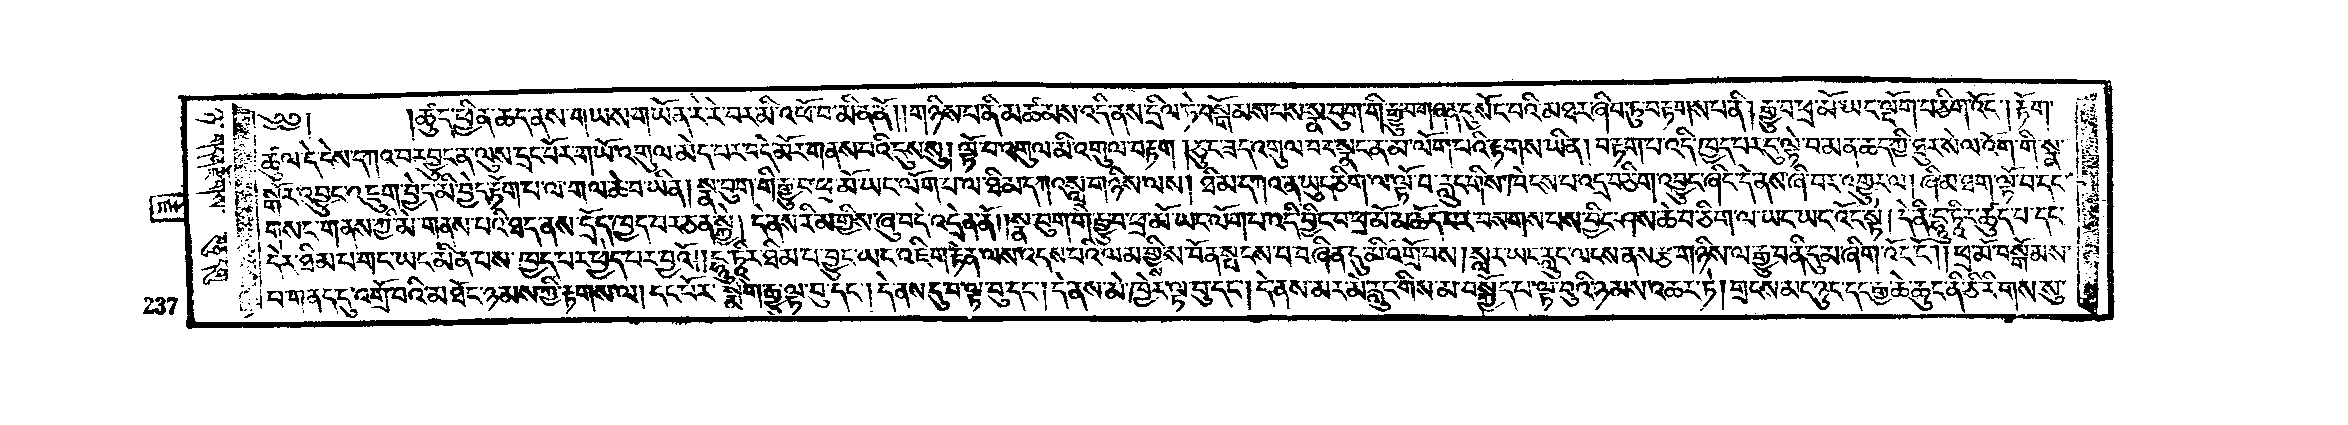༄༅། །ཚུད་ཕྱིན་ཆད་ནས་གཡས་གཡོན་རེ་རེ་བར་མི་འཕོ་བ་མིན་ནོ། །གཉིས་པ་ནི་མཚམས་འདི་ནས་དྲིལ་ཏེ་བསྒོམས་པས་སྣ་བུག་གི་རྒྱུ་བ་གཞན་དུ་སོང་བའི་མཐར་ཞིབ་ཏུ་བརྟགས་པ་ནི། རྒྱུ་བ་ཕྲ་མོ་ཡང་ལྡོག་པ་ཅིག་འོང་། རྟོག་
ཚུལ་དེ་ངེས་དཀའ་བར་བྱུང་ན་ལུས་དྲང་པོར་གཡོ་འགུལ་མེད་པར་བདེ་མོར་གནས་པའི་དུས་སུ། ལྟེ་བ་འགུལ་མི་འགུལ་བརྟག །ཅུང་ཟད་འགུལ་བར་སྣང་ན་མ་ལོག་པའི་རྟགས་ཡིན། བརྟག་པ་འདི་ཁྱད་པར་དུ་ལྟེ་བ་མན་ཆད་ཀྱི་ཐུར་སེལ་འོག་གི་སྣ་
སྒོར་འབྱུང་འཇུག་བྱེད་མི་བྱེད་རྟོག་པ་ལ་གལ་ཆེ་བ་ཡིན། སྣ་བུག་གི་རྒྱུ་བ་ཕྲ་མོ་ཡང་ལོག་པ་ལ་ཐིམ་དཀའ་སླ་གཉིས་ལས། ཐིམ་དཀའ་ན་ཡུད་ཅིག་ལ་ལྟོ་བ་རླུང་གིས་ཁེངས་པ་འདྲ་བ་ཅིག་འབྱུང་ཞིང་དེ་ནས་ཞི་བར་འགྱུར་ལ། ཞི་མ་ཐག་ལྟོ་བ་དང་
གསང་གནས་ཀྱི་མེ་གནས་པའི་ཐད་ནས་དྲོད་ཁྱད་པར་ཅན་སྐྱེ། དེ་ནས་རིམ་གྱིས་ཞུ་བདེ་འདྲེན་ནོ། །སྣ་བུག་གི་རྒྱུ་བ་ཕྲ་མོ་ཡང་ལོག་པ་འདི་བྱིང་བ་ཕྲ་མོ་མཆོད་པར་བསགས་པས་བྱིང་ཤས་ཆེ་བ་ཅིག་ལ་ཡང་ཡང་འོང་སྟེ། དེ་ནི་དྷཱུ་ཏཱིར་ཚུད་པ་དང་
དེར་ཐིམ་པ་གང་ཡང་མིན་པས་ཁྱད་པར་ཕྱེད་པར་བྱའོ། །དྷཱུ་ཏཱིར་ཐིམ་པ་བྱུང་ཡང་འཇིག་རྟེན་ལས་འདས་པའི་ལམ་གྱིས་ས་བོན་སྤངས་པ་བཞིན་དུ་མི་འགྲོ་བས། སླར་ཡང་རླུང་ལངས་ནས་རྩ་གཉིས་ལ་རྒྱུ་བ་ནི་དུ་མ་ཞིག་འོང་ངོ། །ཕྲ་མོ་བསྒོམས་
པ་གནད་དུ་འགྲོ་བའི་མཐོང་ཉམས་ཀྱི་རྟགས་ལ། དང་པོར་སྨིག་རྒྱུ་ལྟ་བུ་དང་། དེ་ནས་དུ་བ་ལྟ་བུ་དང་། དེ་ནས་མེ་ཁྱེར་ལྟ་བུ་དང་། དེ་ནས་མར་མེ་རླུང་གིས་མ་བསྐྱོད་པ་ལྟ་བུའི་ཉམས་འཆར་ཏེ། གྲངས་མང་ཉུང་དང་རྒྱ་ཆེ་ཆུང་ནི་ཅི་རིགས་སུ་